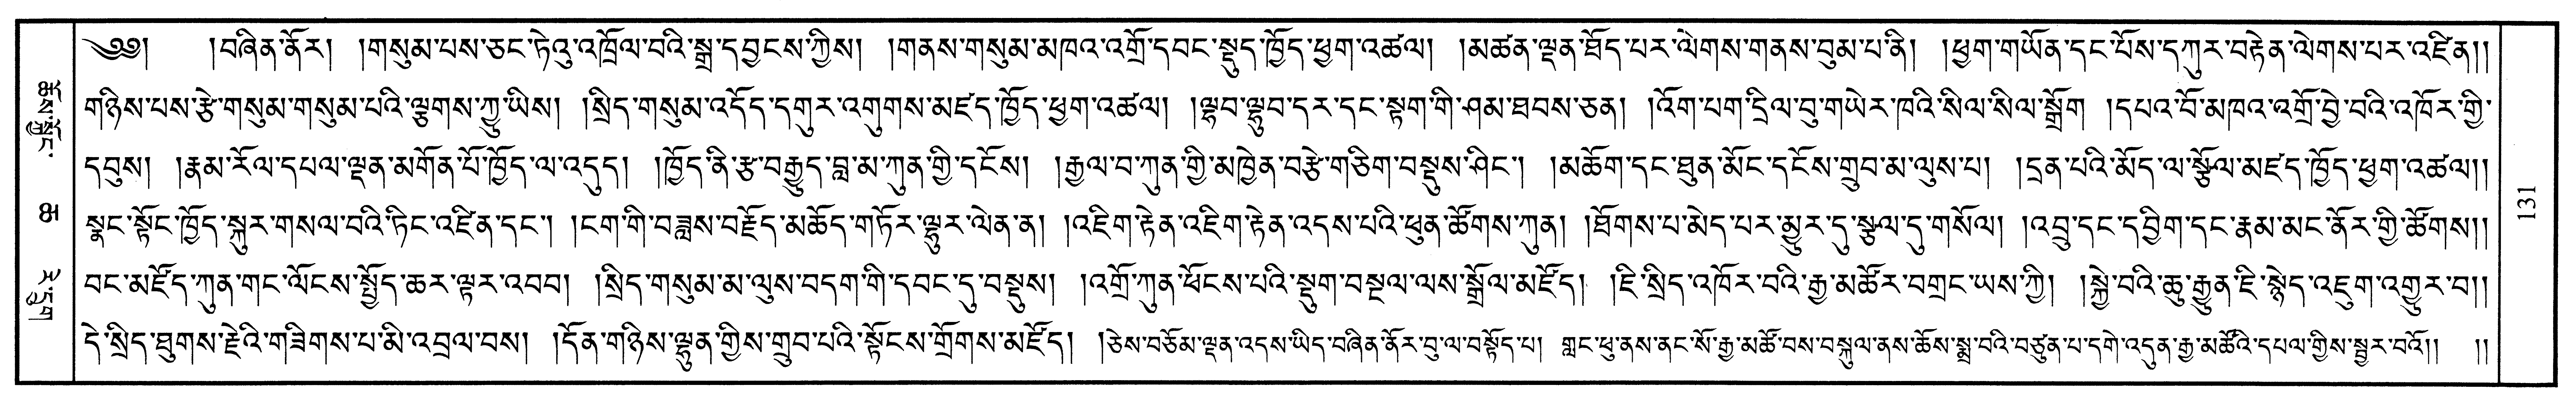༄༅། །བཞིན་ནོར། །གསུམ་པས་ཅང་ཏེའུ་འཁྲོལ་བའི་སྒྲ་དབྱངས་ཀྱིས། །གནས་གསུམ་མཁའ་འགྲོ་དབང་སྡུད་ཁྱོད་ཕྱག་འཚལ། །མཚན་ལྡན་ཐོད་པར་ལེགས་གནས་བུམ་པ་ནི། །ཕྱག་གཡོན་དང་པོས་དཀུར་བརྟེན་ལེགས་པར་འཛིན།།
གཉིས་པས་རྩེ་གསུམ་གསུམ་པའི་ལྕགས་ཀྱུ་ཡིས། །སྲིད་གསུམ་འདོད་དགུར་འགུགས་མཛད་ཁྱོད་ཕྱག་འཚལ། །ལྷབ་ལྷུབ་དར་དང་སྟག་གི་ཤམ་ཐབས་ཅན། །འོག་པག་དྲིལ་བུ་གཡེར་ཁའི་སིལ་སིལ་སྒྲོག །དཔའ་བོ་མཁའ་འགྲོ་བྱེ་བའི་འཁོར་གྱི་
དབུས། །རྣམ་རོལ་དཔལ་ལྡན་མགོན་པོ་ཁྱོད་ལ་འདུད། །ཁྱོད་ནི་རྩ་བརྒྱུད་བླ་མ་ཀུན་གྱི་དངོས། །རྒྱལ་བ་ཀུན་གྱི་མཁྱེན་བརྩེ་གཅིག་བསྡུས་ཤིང་། །མཆོག་དང་ཐུན་མོང་དངོས་གྲུབ་མ་ལུས་པ། །དྲན་པའི་མོད་ལ་སྩོལ་མཛད་ཁྱོད་ཕྱག་འཚལ།།
སྣང་སྟོང་ཁྱོད་སྐུར་གསལ་བའི་ཏིང་འཛིན་དང་། །ངག་གི་བཟླས་བརྗོད་མཆོད་གཏོར་ལྷུར་ལེན་ན། །འཇིག་རྟེན་འཇིག་རྟེན་འདས་པའི་ཕུན་ཚོགས་ཀུན། །ཐོགས་པ་མེད་པར་མྱུར་དུ་སྩལ་དུ་གསོལ། །འབྲུ་དང་དབྱིག་དང་རྣམ་མང་ནོར་གྱི་ཚོགས།།
བང་མཛོད་ཀུན་གང་ལོངས་སྤྱོད་ཆར་ལྟར་འབབ། །སྲིད་གསུམ་མ་ལུས་བདག་གི་དབང་དུ་བསྡུས། །འགྲོ་ཀུན་ཕོངས་པའི་སྡུག་བསྔལ་ལས་སྒྲོལ་མཛོད། །ཇི་སྲིད་འཁོར་བའི་རྒྱ་མཚོར་བགྲང་ཡས་ཀྱི། །སྐྱེ་བའི་ཆུ་རྒྱུན་ཇི་སྙེད་འཇུག་འགྱུར་བ།།
དེ་སྲིད་ཐུགས་རྗེའི་གཟིགས་པ་མི་འབྲལ་བས། །དོན་གཉིས་ལྷུན་གྱིས་གྲུབ་པའི་སྟོངས་གྲོགས་མཛོད། །ཅེས་བཅོམ་ལྡན་འདས་ཡིད་བཞིན་ནོར་བུ་ལ་བསྟོད་པ། གླང་ཕུ་ནས་ནང་སོ་རྒྱ་མཚོ་བས་བསྐུལ་ནས་ཆོས་སྨྲ་བའི་བཙུན་པ་དགེ་འདུན་རྒྱ་མཚོའི་དཔལ་གྱིས་སྦྱར་བའོ།། །།